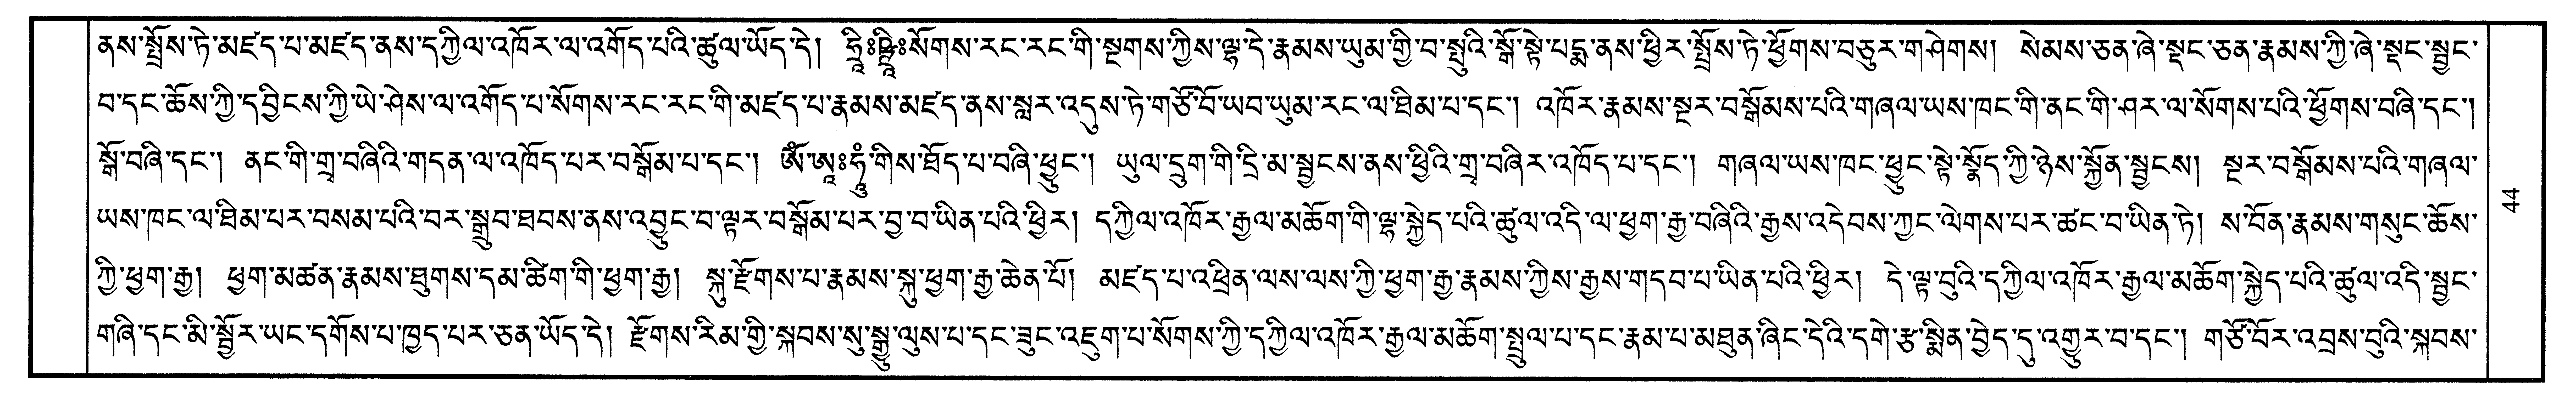ནས་སྤྲོས་ཏེ་མཛད་པ་མཛད་ནས་དཀྱིལ་འཁོར་ལ་འགོད་པའི་ཚུལ་ཡོད་དེ། ཧྲཱིཿ ཥྚྲཱིཿ སོགས་རང་རང་གི་སྔགས་ཀྱིས་ལྷ་དེ་རྣམས་ཡུམ་གྱི་བ་སྤུའི་སྒོ་སྟེ་པདམ་ནས་ཕྱིར་སྤྲོས་ཏེ་ཕྱོགས་བཅུར་གཤེགས། སེམས་ཅན་ཞེ་སྡང་ཅན་རྣམས་ཀྱི་ཞེ་སྡང་སྦྱང་
བ་དང་ཆོས་ཀྱི་དབྱིངས་ཀྱི་ཡེ་ཤེས་ལ་འགོད་པ་སོགས་རང་རང་གི་མཛད་པ་རྣམས་མཛད་ནས་སླར་འདུས་ཏེ་གཙོ་བོ་ཡབ་ཡུམ་རང་ལ་ཐིམ་པ་དང་། འཁོར་རྣམས་སྔར་བསྒོམས་པའི་གཞལ་ཡས་ཁང་གི་ནང་གི་ཤར་ལ་སོགས་པའི་ཕྱོགས་བཞི་དང་།
སྒོ་བཞི་དང་། ནང་གི་གྲྭ་བཞིའི་གདན་ལ་འཁོད་པར་བསྒོམ་པ་དང་། ཨོཾ་ཨཱཿ ཧཱུཾ་གིས་ཐོད་པ་བཞི་ཕྱུང་། ཡུལ་དྲུག་གི་དྲི་མ་སྦྱངས་ནས་ཕྱིའི་གྲྭ་བཞིར་འཁོད་པ་དང་། གཞལ་ཡས་ཁང་ཕྱུང་སྟེ་སྣོད་ཀྱི་ཉེས་སྐྱོན་སྦྱངས། སྔར་བསྒོམས་པའི་གཞལ་
ཡས་ཁང་ལ་ཐིམ་པར་བསམ་པའི་བར་སྒྲུབ་ཐབས་ནས་འབྱུང་བ་ལྟར་བསྒོམ་པར་བྱ་བ་ཡིན་པའི་ཕྱིར། དཀྱིལ་འཁོར་རྒྱལ་མཆོག་གི་ལྷ་སྐྱེད་པའི་ཚུལ་འདི་ལ་ཕྱག་རྒྱ་བཞིའི་རྒྱས་འདེབས་ཀྱང་ལེགས་པར་ཚང་བ་ཡིན་ཏེ། ས་བོན་རྣམས་གསུང་ཆོས་
ཀྱི་ཕྱག་རྒྱ། ཕྱག་མཚན་རྣམས་ཐུགས་དམ་ཚིག་གི་ཕྱག་རྒྱ། སྐུ་རྫོགས་པ་རྣམས་སྐུ་ཕྱག་རྒྱ་ཆེན་པོ། མཛད་པ་འཕྲིན་ལས་ལས་ཀྱི་ཕྱག་རྒྱ་རྣམས་ཀྱིས་རྒྱས་གདབ་པ་ཡིན་པའི་ཕྱིར། དེ་ལྟ་བུའི་དཀྱིལ་འཁོར་རྒྱལ་མཆོག་སྐྱེད་པའི་ཚུལ་འདི་སྦྱང་
གཞི་དང་མི་སྦྱོར་ཡང་དགོས་པ་ཁྱད་པར་ཅན་ཡོད་དེ། རྫོགས་རིམ་གྱི་སྐབས་སུ་སྒྱུ་ལུས་པ་དང་ཟུང་འཇུག་པ་སོགས་ཀྱི་དཀྱིལ་འཁོར་རྒྱལ་མཆོག་སྤྲུལ་པ་དང་རྣམ་པ་མཐུན་ཞིང་དེའི་དགེ་རྩ་སྨིན་བྱེད་དུ་འགྱུར་བ་དང་། གཙོ་བོར་འབྲས་བུའི་སྐབས་